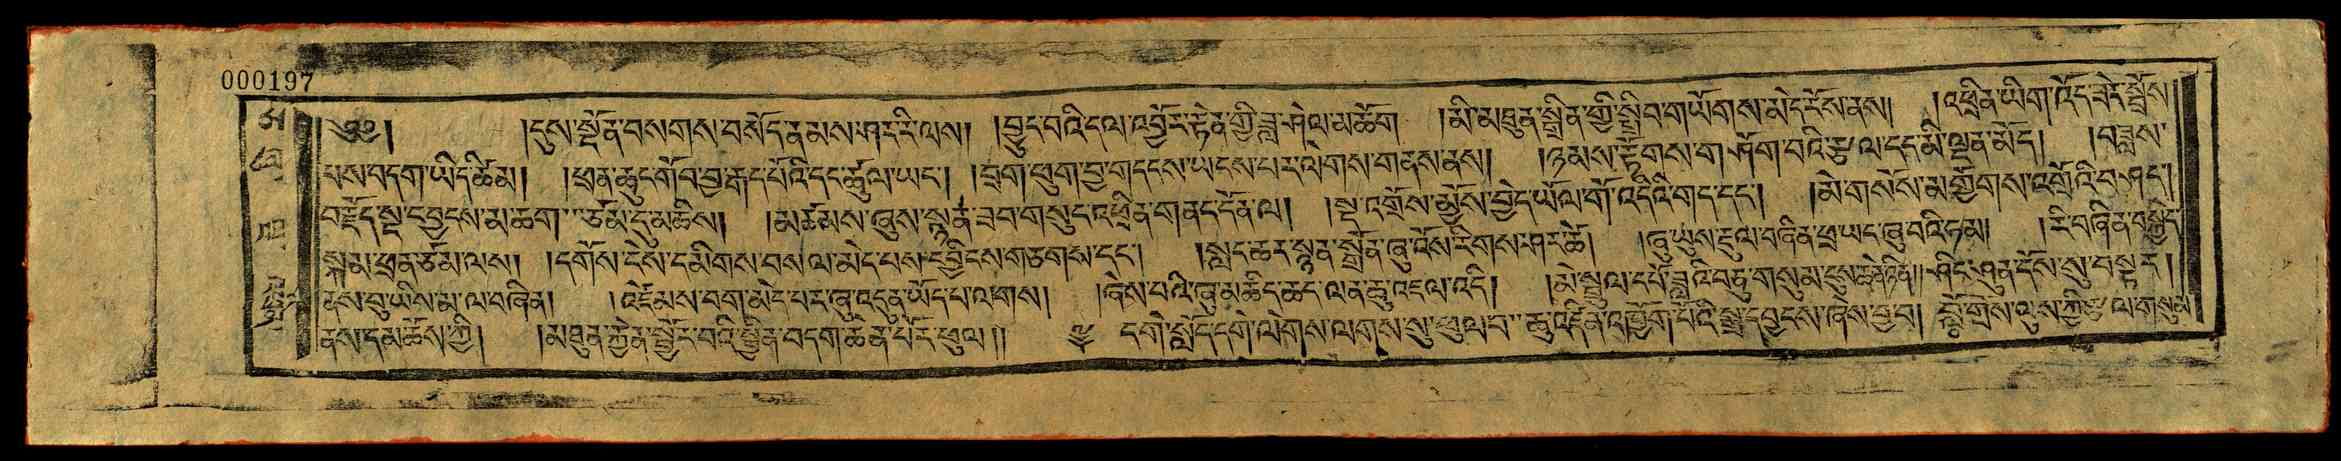༄༅། །དུས་སྔོན་བསགས་བསོད་ནམས་ཤར་རི་ལས། །བྱུང་བའི་དལ་འབྱོར་རྟེན་གྱི་ཟླ་ཤེལ་མཆོག །མི་མཐུན་སྤྲིན་གྱི་སྒྲིབ་གཡོགས་མེད་ངོས་ནས། །འཕྲིན་ཡིག་འོད་ཟེར་སྤྲོས་
པས་བདག་ཡིད་ཚིམ། །ཕྲན་ཆུང་གོད་བྱ་རྒད་པོའི་ངང་ཚུལ་ཡང་། །བྲག་ཕུག་བྱ་གདངས་ཡངས་པར་ལེགས་བཅས་ནས། །ཉམས་རྟོགས་གཤོག་པའི་རྩལ་དང་མི་ལྡན་མོད། །བཟླས་
བརྗོད་སྔ་དབྱངས་མ་ཆག་་་་ཙམ་དུ་མཆིས། །མཚམས་ཞུས་སྙན་ཟབ་གསུང་འཕྲིན་གནང་དོན་ཀླ། །སྔ་འགྲོས་མྱོས་བྱེད་ཡོལ་གོ་འདིའི་གང་དང་། །མི་གསོས་མགྱོགས་འགྲོའི་བཤད་
སྐམ་ཕྲཝན་ཙམ་ལས། །དགོངས་ངེས་དམིགས་བསལ་མེད་པས་དབྱིངས་གཅགས་དང་། །སླད་ཆད་སྙན་སྒྲོན་ཞུ་འོས་རིགས་ཤར་ཚེ། །ཅུ་ཡུས་རྡུལ་བཞིན་ཕྲ་ཡང་ཞུ་བའི་ཧམ། །རི་བཞིན་བསྐྱེད་
ནས་བུ་ཡིས་མ་ལ་བཞིན། །འཛམས་བག་མེད་པར་ཞུ་འདུན་ཡོད་པ་ལགས། །ཞེས་པའི་ཀྮུ་མཆེད་ཆང་ལན་ཆུ་འཇལ་འདི། །མི་སྦྲུལ་དབ་ཟླའི་བཅུ་གསུམ་དུས་ཆེན་ཉིན། །ཤིང་ཤུན་ངོས་སུ་བསྟར་
ནས་དམ་ཆོས་ཀྱི། །མཐུན་རྐྱེན་སྦྱོང་བའི་སྦྱིན་བདག་ཆེན་པོར་ཕུལ།། འ་།དགེ་སློང་དགེ་ལེགས་ལགས་སུ་ཕུལ་བ་ཆུ་འཛིན་འཁྱོག་པོའི་སྒྲ་དབྱངས་ཞེས་བྱ་བ། །བློ་གྲོས་ལུས་ཀྱི་རྩ་ལ་གསུང་